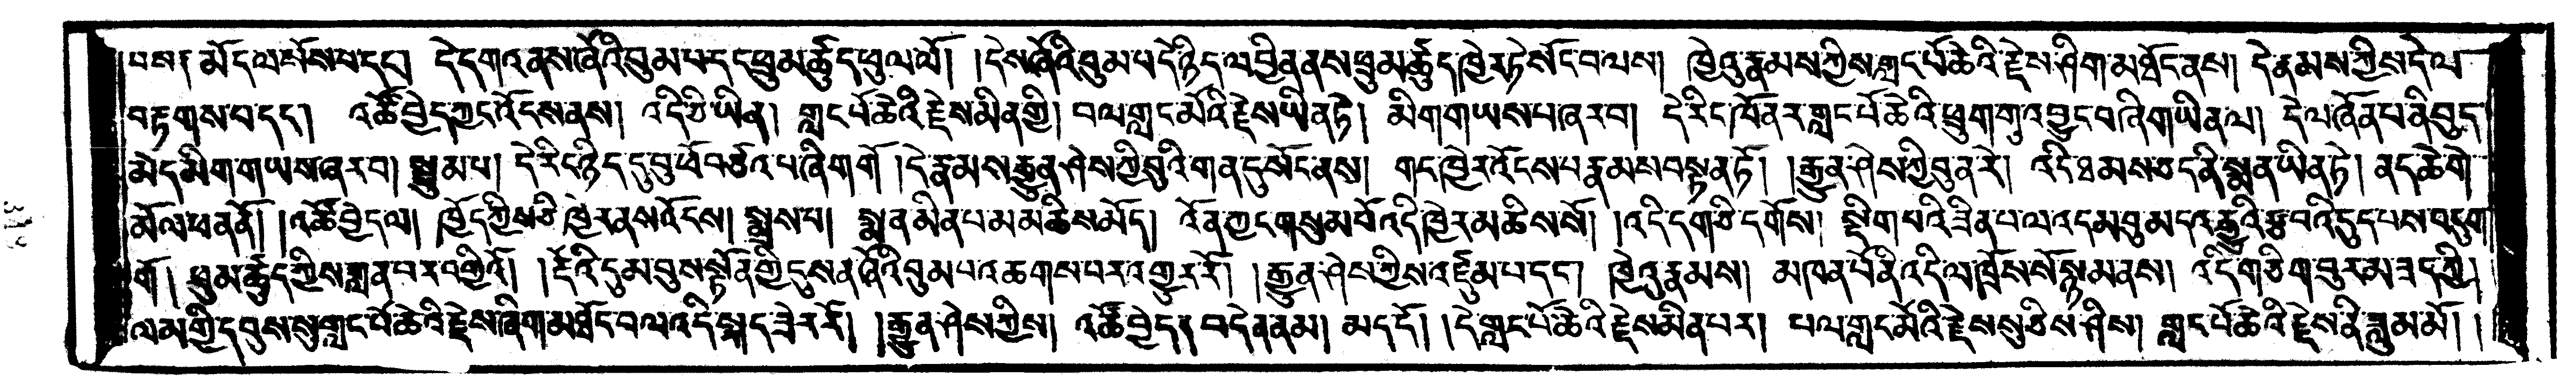པས༑ མོད་ལ་སོས་པ་དང་། དེ་དགའ་ནས་ཞོའི་བུམ་པ་དང་ཕྲུམ་ཚུད་ཕུལ་ལོ། །དེས་ཞོའི་བུམ་པ་དེ་ཉིད་ལ་བྱིན་ནས་ཕྲུམ་ཚུད་ཁྱེར་ཏེ་སོང་བ་ལས། ཁྱེའུ་རྣམས་ཀྱིས་གླང་པོ་ཆེའི་རྗེས་ཤིག་མཐོང་ནས། དེ་རྣམས་ཀྱིས་དེ་ལ་
བརྟགས་པ་དང་། འཚོ་བྱེད་ཀྱང་འོངས་ནས། འདི་ཅི་ཡིན། གླང་པོ་ཆེའི་རྗེས་མིན་གྱི། བལ་གླང་མོའི་རྗེས་ཡིན་ཏེ། མིག་གཡས་པ་ཞར་བ། དེ་རིང་ཁོ་ནར་གླང་པོ་ཆེའི་ཕྲུག་གུ་འབྱུང་བཞིག་ཡིན་ལ། དེ་ལ་ཞོན་པ་ནི་བུད་
མེད་མིག་གཡས་ཞར་བ། སྦུམ་པ། དེ་རིང་ཉིད་དུ་བུ་ཕོ་བཙའ་པ་ཞིག་གོ །དེ་རྣམས་རྒྱུན་ཤེས་ཀྱི་བུའི་གན་དུ་སོང་ནས། གང་ཁྱེར་འོངས་པ་རྣམས་བསྟན་ཏོ། །རྒྱུན་ཤེས་ཀྱི་བུ་ན་རེ། འདི་ཐམས་ཅད་ནི་སྨན་ཡིན་ཏེ། ནད་ཆེ་གེ་
མོལ་ཕན་ནོ། །འཚོ་བྱེད་ལ། ཁྱོད་ཀྱིས་ཅི་ཁྱེར་ནས་འོངས། སྨྲས་པ། སྨན་མིན་པ་མ་མཆིས་མོད། འོན་ཀྱང་གསུམ་བོ་འདི་ཁྱེར་མཆིས་སོ། །འདི་དག་ཅི་དགོས། སྡིག་པའི་ཟིན་པ་ལ་འདམ་བུ་མདའ་རྒྱུའི་རྩ་བའི་དུད་པས་འདུག་
གོ། ཕྲུམ་ཚུད་ཀྱིས་གླན་བར་འགྱིའོ། །རྡོའི་དུམ་བུས་སྟོན་གྱི་དུས་ན་ཞོའི་བུམ་པ་འཆགས་པར་འགྱུར་རོ། །རྒྱུན་ཤེས་ཀྱིས་འཛུམ་པ་དང་། ཁྱེའུ་རྣམས། མཁན་པོ་ནི་འདི་ལ་ཁྲོས་སོ་སྙམ་ནས། འདི་གཅིག་བུར་མ་ཟད་ཀྱི།
ལམ་གྱི་དབུས་སུ་གླང་པོ་ཆེའི་རྗེས་ཞིག་མཐོང་བལ་འདི་སྐད་ཟེར་རོ། །རྒྱུན་ཤེས་ཀྱིས། །འཚོ་བྱེད༑ བདེན་ནམ། མད་དོ། །དེ་གླང་པོ་ཆེའི་རྗེས་ནི་པར། པལ་གླང་མོའི་རྗེས་སུ་ཅིས་ཤིས། གླང་པོ་ཆེའི་རྗེས་ནིས་ཟླུམ་མོ།།